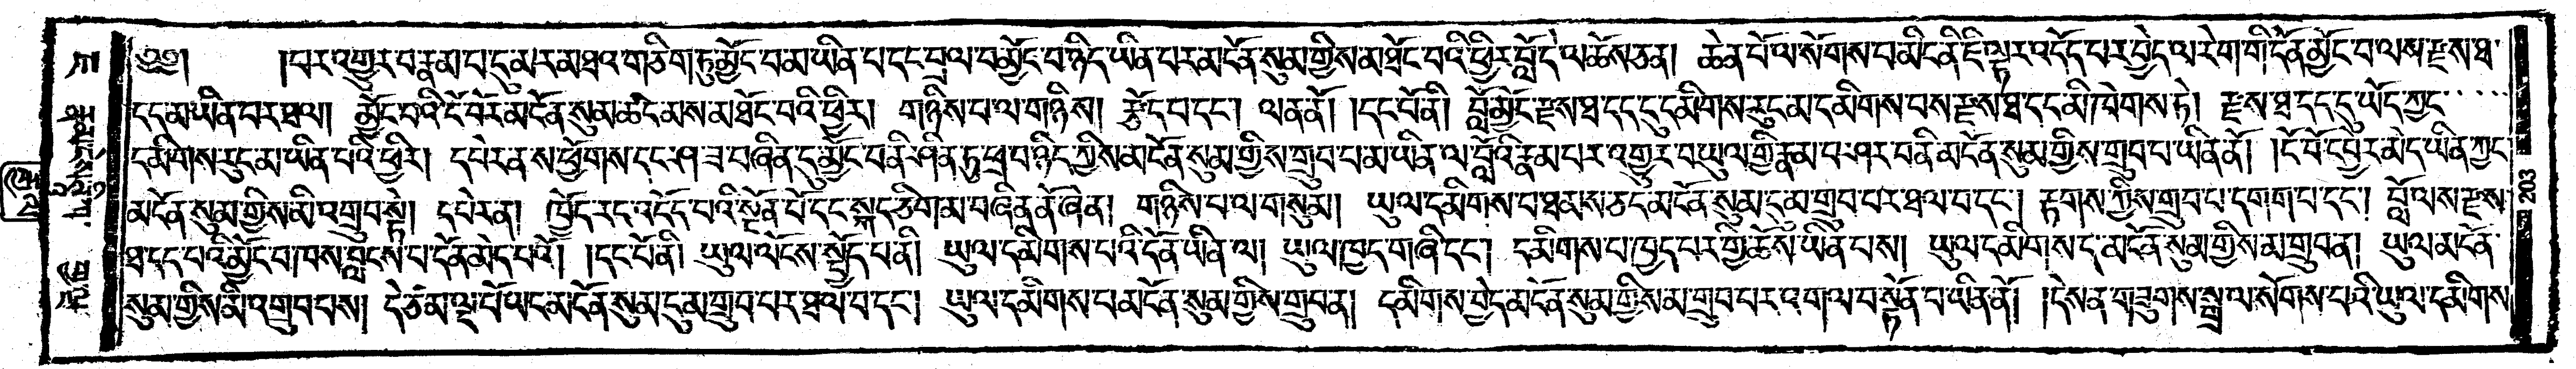༄༅། །པར་འགྱུར་བ་རྣམ་པ་དུ་མར་མཐའ་གཅིག་ཏུ་མྱོང་བ་མ་ཡིན་པ་དང་བྲལ་བ་མྱོང་བ་ཉིད་ཡིན་པར་མངོན་སུམ་གྱིས་མཐོང་བའི་ཕྱིར་བློ་དེ་ལ་ཆོས་ཅན། ཆེན་པོ་ལ་སོགས་པ་མིང་ནི་ཇི་ལྟར་འདོད་པར་བྱེད་ལ་རེག་གི་དོན་མྱོང་བ་ལས་རྫས་ཐ་
དད་མ་ཡིན་པར་ཐལ། མྱོང་བའི་ངོ་བོར་མངོན་སུམ་ཚད་མས་མཐོང་བའི་ཕྱིར། གཉིས་པ་ལ་གཉིས། རྩོད་པ་དང་། ལན་ནོ། །དང་པོ་ནི། བློ་མྱོང་རྫས་ཐ་དད་དུ་དམིགས་རུང་མ་དམིགས་པས་རྫས་ཐ་དད་མི་ཁེགས་ཏེ། རྫས་ཐ་དད་དུ་ཡོད་ཀྱང་
དམིགས་རུང་མ་ཡིན་པའི་ཕྱིར། དཔེར་ན་ས་ཕྱོགས་དང་ཤ་ཟ་བཞིན་དུ་མྱོང་བ་ནི་ཤིན་ཏུ་ཕྲ་བ་ཉིད་ཀྱིས་མངོན་སུམ་གྱིས་གྲུབ་པ་མ་ཡིན་ལ་བློའི་རྣམ་པར་འགྱུར་བ་ཡུལ་གྱི་རྣམ་པ་ཤར་བ་ནི་མངོན་སུམ་གྱིས་གྲུབ་པ་ཡིན་ནོ། །ངོ་བོ་དབྱེར་མེད་ཡིན་ཀྱང་
མངོན་སུམ་གྱིས་མི་འགྲུབ་སྟེ། དཔེར་ན། ཁྱོད་རང་འདོད་པའི་སྔོན་པོ་དང་སྐད་ཅིག་མ་བཞིན་ནོ་ཞེ་ན། གཉིས་པ་ལ་གསུམ། ཡུལ་དམིགས་པ་ཐམས་ཅད་མངོན་སུམ་དུ་མ་གྲུབ་པར་ཐལ་བ་དང་། རྟགས་ཀྱིས་གྲུབ་པ་དགག་པ་དང་། བློ་ལས་རྫས་
ཐ་དད་པའི་མྱོང་བ་ཁས་བླངས་པ་དོན་མེད་པའོ། །དང་པོ་ནི། ཡུལ་ལོངས་སྤྱོད་པ་ནི། ཡུལ་དམིགས་པའི་དོན་ཡིན་ལ། ཡུལ་ཁྱད་གཞི་དང་། དམིགས་པ་ཁྱད་པར་གྱི་ཆོས་ཡིན་པས། ཡུལ་དམིགས་ད་མངོན་སུམ་གྱིས་མ་གྲུབ་ན། ཡུལ་མངོན་
སུམ་གྱིས་མི་འགྲུབ་པས། དེ་ཙམ་ལྔ་པོ་ཡང་མངོན་སུམ་དུ་མ་གྲུབ་པར་ཐལ་བ་དང་། ཡུལ་དམིགས་པ་མངོན་སུམ་གྱིས་གྲུབ་ན། དམིགས་བྱེད་མངོན་སུམ་གྱིས་མ་གྲུབ་པར་འགལ་བ་སྟོན་པ་ཡིན་ནོ། །དེས་ན་གཟུགས་སྒྲ་ལ་སོགས་པའི་ཡུལ་དམིགས་